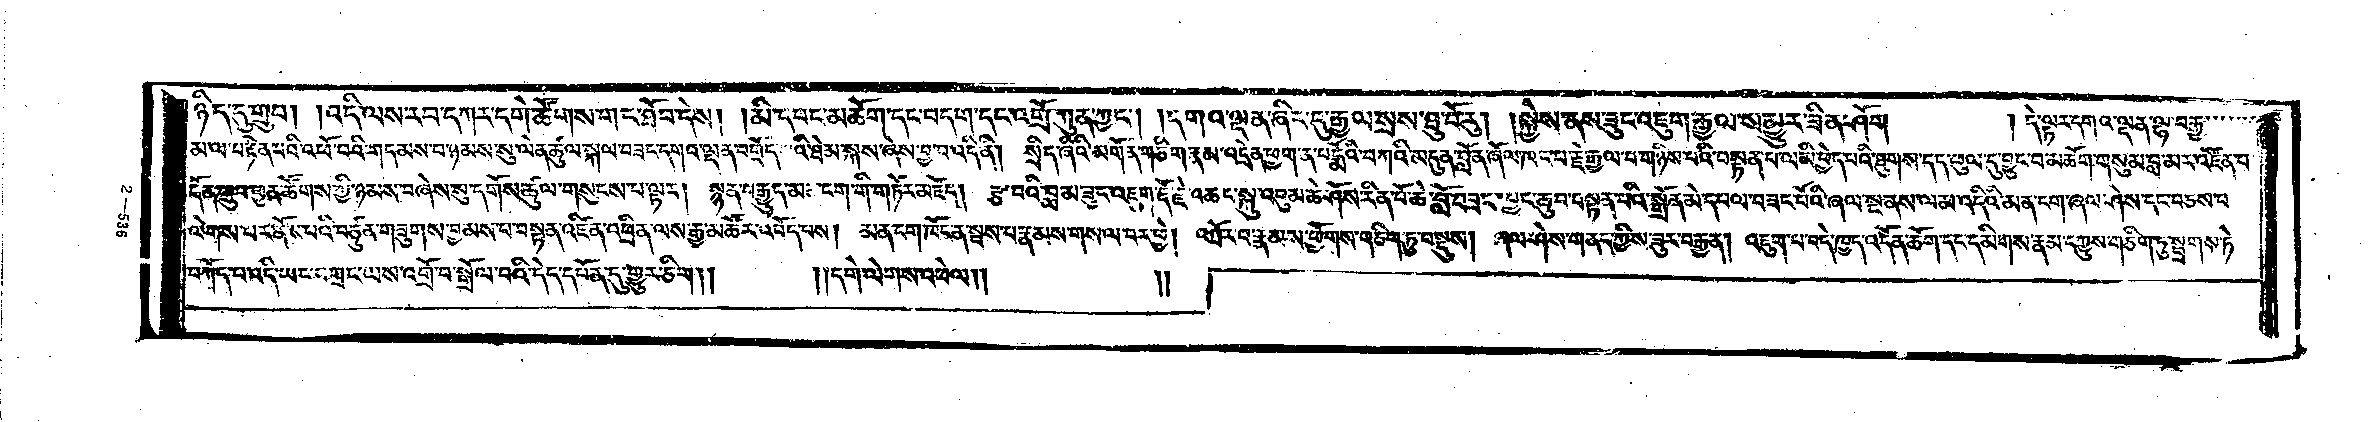ཉིད་དུ་གྲུབ། །འདི་ལས་རབ་དཀར་དགེ་ཚོགས་གང་ཐོབ་དེས། །མི་དབང་མཆོག་དང་བདག་དང་འགྲོ་ཀུན་ཀྱང་། །དགའ་ལྡན་ཞིང་དུ་རྒྱལ་སྲས་ཐུ་བོ་རུ། །སྐྱེས་ནས་ཟུང་འཇུག་རྒྱལ་ས་མྱུར་ཟིན་ཤོག །དེ་ལྟར་དགའ་ལྡན་ལྷ་བརྒྱ་
མ་ལ་བརྟེན་པའི་འཕོ་བའི་གདམས་པ་ཉམས་སུ་ལེན་ཚུལ་སྐལ་བཟང་དགའ་ལྡན་བགྲོད་འི་ཐེམ་སྐས་ཞེས་བྱ་བ་འདི་ནི། སྲིད་ཞིའི་མགོན་གཅིག་རྣམ་འདྲེན་ཕྱག་ན་པདམོའི་བཀའི་མདུན་བློན་ཞོལ་ཁང་བ་རྗེ་རྒྱལ་བ་གཉིས་པའི་བསྟན་པ་ལ་མི་ཕྱེད་པའི་ཐུགས་དད་ཕུལ་དུ་བྱུང་བ་མཆོག་གསུམ་བླ་མར་འཛིན་པ་
དོན་གྲུབ་ཕྱན་ཚོགས་ཀྱི་ཉམས་བཞེས་སུ་དགོས་ཚུལ་གསུངས་པ་ལྟར། སྙན་བརྒྱུད་མན་ངག་གི་གཏོར་མཛོད། རྩ་བའི་བླ་མ་ཟུང་འཇུག་རྡོ་རྗེ་འཆང་སྐུ་འབུམ་ཆེ་ཤོས་རིན་པོ་ཆེ་བློ་བཟང་བྱང་ཆུབ་བསྟན་པའི་སྒྲོན་མེ་དཔལ་བཟང་པོའི་ཞལ་སྔ་ནས་ལམ་འདིའི་མན་ངག་ཞལ་ཤེས་དང་བཅས་པ་
ལེགས་པར་ནོས་པའི་བཙུན་གཟུགས་བྱམས་པ་བསྟན་འཛིན་འཕྲིན་ལས་རྒྱ་མཚོར་འབོད་པས། མན་ངག་ཁོང་ན་སྦས་པ་རྣམས་གསལ་བར་ཕྱེ། འཐོར་བ་རྣམས་ཕྱོགས་གཅིག་ཏུ་བསྡུས། ཞལ་ཤེས་གནད་ཀྱིས་ཟུར་བརྒྱན། འཇུག་པ་བདེ་ཁྱད་འདོན་ཆོག་དང་དམིགས་རྣམ་དཀྱུས་གཅིག་ཏུ་སྦྲགས་ཏེ་
བཀོད་པ་འདི་ཡང་བགྲང་ཡས་འགྲོ་བ་སྒྲོལ་བའི་དེད་དཔོན་དུ་གྱུར་ཅིག།། །།དགེ་ལེགས་འཕེལ།། །།